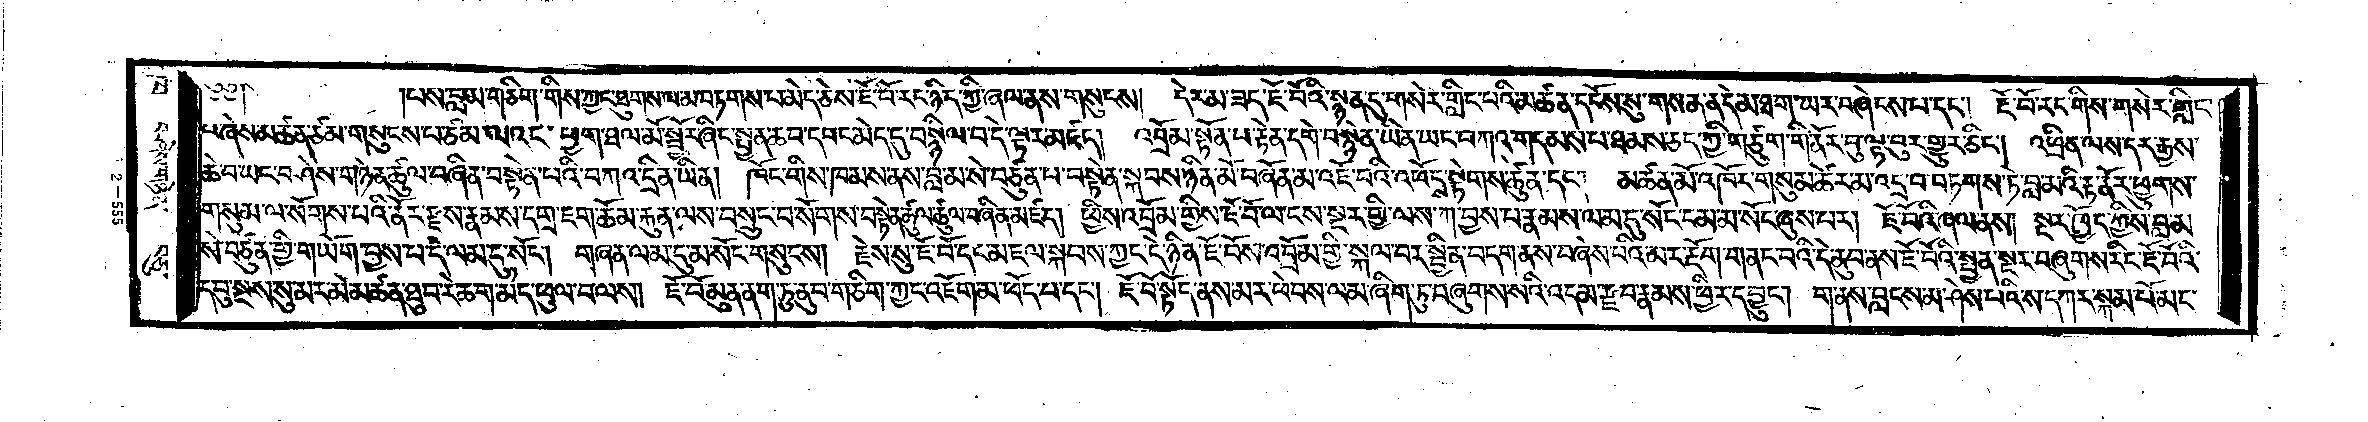༄༅། །པས་བླ་མ་གཅིག་གིས་ཀྱང་ཐུགས་ལ་མ་བཏགས་པ་མེད་ཅེས་ཇོ་བོ་རང་ཉིད་ཀྱི་ཞལ་ནས་གསུངས། དེར་མ་ཟད་ཇོ་བོའི་སྙན་དུ་གསེར་གླིང་པའི་མཚན་དངོས་སུ་གསན་ན་དེ་མ་ཐག་ཡར་བཞེངས་པ་དང་། ཇོ་བོ་རང་གིས་གསེར་གླིང་
པ་ཞེས་མཚན་ཙམ་གསུངས་པ་ཙམ་ལའང་ཕྱག་ཐལ་མོ་སྦྱོར་ཞིང་སྤྱན་ཆབ་དབང་མེད་དུ་བསྙིལ་བ་དེ་ལྟར་མཛད། འབྲོམ་སྟོན་པ་རྟེན་དགེ་བསྙེན་ཡིན་ཡང་བཀའ་གདམས་པ་ཐམས་ཅད་ཀྱི་གཙུག་གི་ནོར་བུ་ལྟ་བུར་གྱུར་ཅིང་། འཕྲིན་ལས་དར་རྒྱས་
ཆེ་བ་ཡང་བཤེས་གཉེན་ཚུལ་བཞིན་བསྟེན་པའི་བཀའ་དྲིན་ཡིན། ཁོང་གིས་ཁམས་ནས་བླ་མ་སེ་བཙུན་པ་བསྟེན་སྐབས་ཉིན་མོ་བཞོན་མ་འཇོ་བའི་འཕོངས་སྟེགས་ཚུན་དང་། མཚན་མོ་འཁོར་གསུམ་ཚེར་མ་འདྲ་བ་བཏགས་ཏེ་བླ་མའི་རྟ་ནོར་ཕྱུགས་
གསུམ་ལ་སོགས་པའི་ནོར་རྫས་རྣམས་དགྲ་ཇག་ཆོམ་རྐུན་ལས་བསྲུང་བ་སོགས་བསྟེན་ཚུལ་ཚུལ་བཞིན་མཛད། ཕྱིས་འབྲོམ་གྱིས་ཇོ་བོ་ལ་ངས་སྔར་གྱི་ལས་ཀ་བྱས་པ་རྣམས་ལམ་དུ་སོང་ངམ་མ་སོང་ཞུས་པར། ཇོ་བོའི་ཞལ་ནས། སྔར་ཁྱོད་ཀྱིས་བླ་མ་
སེ་བཙུན་གྱི་གཡོག་བྱས་པ་དེ་ལམ་དུ་སོང་། གཞན་ལམ་དུ་མ་སོང་གསུངས། རྗེས་སུ་ཇོ་བོ་དང་མཇལ་སྐབས་ཀྱང་དེ་ཉིན་ཇོ་བོས་འབྲོམ་གྱི་སྐལ་བར་སྦྱིན་བདག་ནས་བཞེས་པའི་མར་རྡོག་གནང་བའི་དེ་ནུབ་ནས་ཇོ་བོའི་སྤྱན་སྔར་བཞུགས་རིང་ཇོ་བོའི་
དབུ་སྔས་སུ་མར་མེ་མཚན་ཐུབ་རེ་ཆག་མེད་ཕུལ་བ་ལས། ཇོ་བོ་མུན་ནག་ཏུ་ནུབ་གཅིག་ཀྱང་འཇོག་མ་ཕོད་པ་དང་། ཇོ་བོ་སྟོད་ནས་མར་ཕེབས་ལམ་ཞིག་ཏུ་བཞུགས་སའི་འདམ་རྫབ་རྣམས་ཕྱིར་དབྱུང་། གནས་བླངས་མ་ཤེས་པའི་ས་དཀར་སྐམ་པོ་མང་